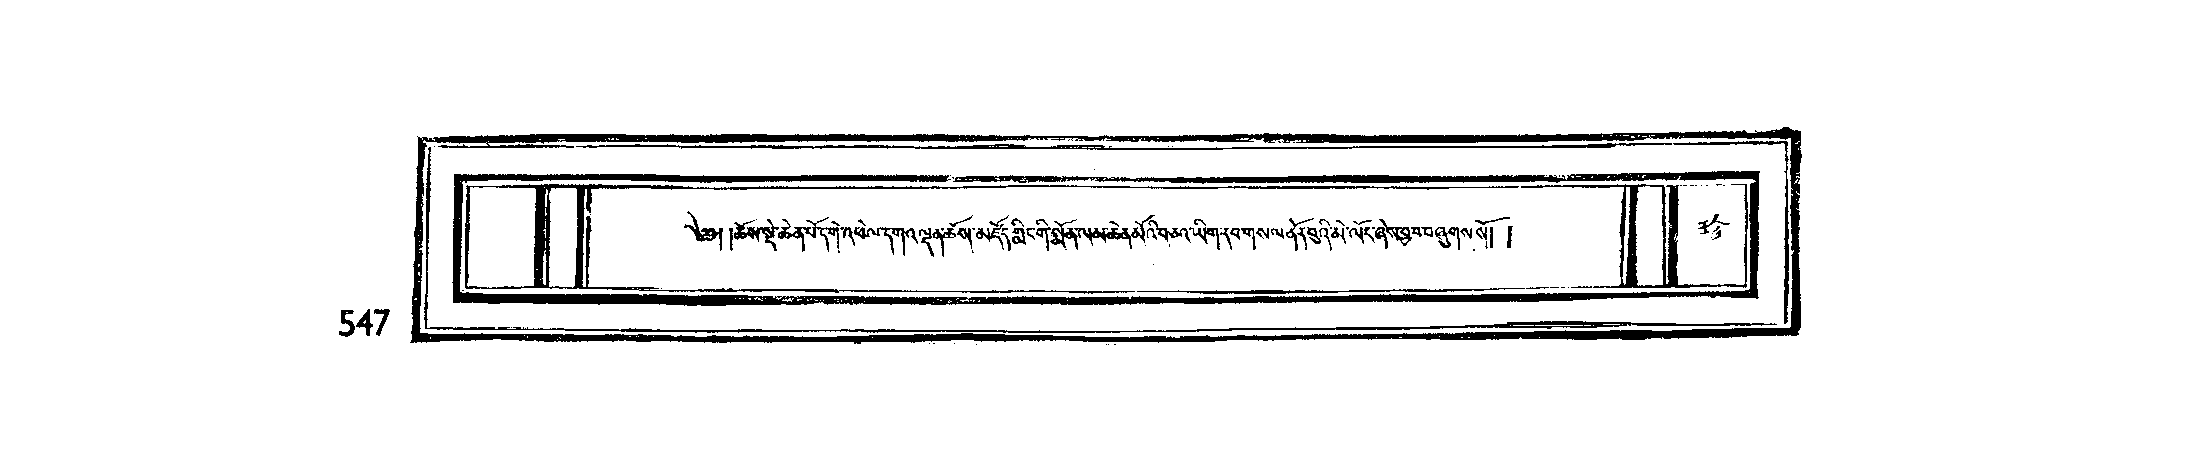༄༅། །ཆོས་སྡེ་ཆེན་པོ་དགེ་འཕེལ་དགའ་ལྡན་ཆོས་མཛོད་གླིང་གི་སྨོན་ལམ་ཆེན་མོའི་བཅའ་ཡིག་རབ་གསལ་ནོར་བུའི་མེ་ལོང་ཞེས་བྱ་བ་བཞུགས་སོ། །